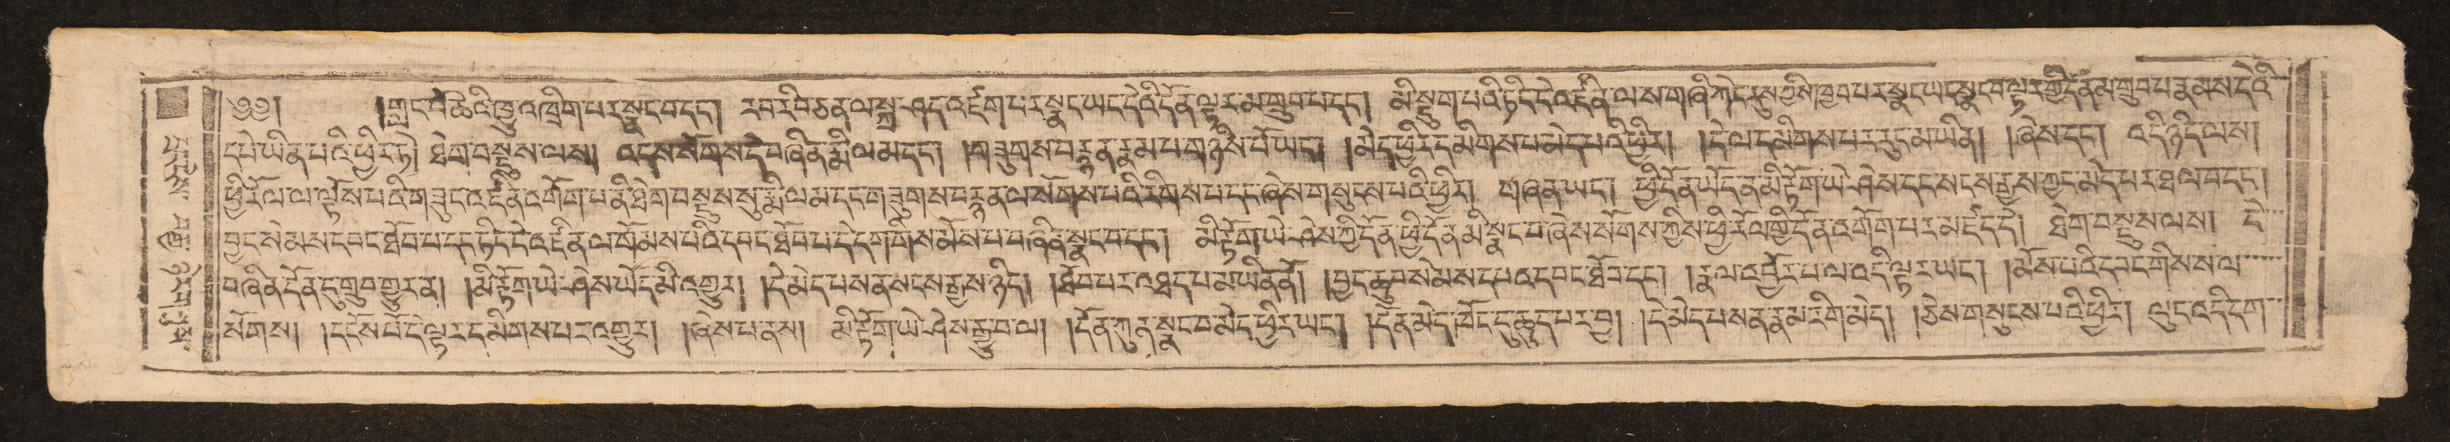༄༅། །གླང་པོ་ཆེའི་ཁྱུ་འཁྲིག་པར་སྣང་བ་དང་། རབ་རིབ་ཅན་ལ་སྐྲ་ཤད་འཛག་པར་སྣང་ཡང་དེའི་དོན་ལྟར་མ་གྲུབ་པ་དང་། མི་སྡུག་པའི་ཏིང་ངེ་འཛིན་ལས་གཞི་ཀེང་རུས་ཀྱིས་ཁྱབ་པར་སྣང་ཡང་སྣང་བ་ལྟར་གྱི་དོན་མ་གྲུབ་པ་རྣམས་དེའི་
དཔེ་ཡིན་པའི་ཕྱིར་ཏེ། ཐེག་བསྡུས་ལས། འདས་སོགས་དེ་བཞིན་རྨི་ལམ་དང་། །གཟུགས་བརྙན་རྣམ་པ་གཉིས་པོ་ཡང་། །མེད་ཕྱིར་དམིགས་པ་མེད་པའི་ཕྱིར། །དེ་ལ་དམིགས་པར་རུང་མ་ཡིན། །ཞེས་དང་། འདི་ཉིད་ལས།
ཕྱི་རོལ་ལ་ལྟོས་པའི་གཟུང་འཛིན་འགོག་པ་ནི་ཐེག་བསྡུས་སུ་རྨི་ལམ་དང་གཟུགས་བརྙན་ལ་སོགས་པའི་རིགས་པ་དང་ཞེས་གསུངས་པའི་ཕྱིར། གཞན་ཡང་། ཕྱི་དོན་ཡོད་ན་མི་རྟོག་ཡེ་ཤེས་དང་སངས་རྒྱས་ཀྱང་མེད་པར་ཐལ་བ་དང་།
བྱང་སེམས་དབང་ཐོབ་པ་དང་ཏིང་ངེ་འཛིན་ལ་གོམས་པའི་དབང་ཐོབ་པ་དེ་དག་གིས་མོས་པ་བཞིན་སྣང་བ་དང་། མི་རྟོག་ཡེ་ཤེས་ཀྱི་དོན་ཕྱི་དོན་མི་སྣང་བ་ཞེས་སོགས་ཀྱིས་ཕྱི་རོལ་གྱི་དོན་འགོག་པར་མཛད་དེ། ཐེག་བསྡུས་ལས། དེ་
བཞིན་དོན་དུ་གྲུབ་གྱུར་ན། །མི་རྟོག་ཡེ་ཤེས་ཡོད་མི་འགྱུར། །དེ་མེད་པས་ན་སངས་རྒྱས་ཉིད། །ཐོབ་པར་འཐད་པ་མ་ཡིན་ནོ། །བྱང་ཆུབ་སེམས་དཔའ་དབང་ཐོབ་དང་། །རྣལ་འབྱོར་པ་ལ་འདི་ལྟར་ཡང་། །མོས་པའི་དབང་གིས་ས་ལ་
སོགས། །དངོས་པོ་དེ་ལྟར་དམིགས་པར་འགྱུར། །ཞེས་པ་ནས། མི་རྟོག་ཡེ་ཤེས་རྒྱུ་བ་ལ། །དོན་ཀུན་སྣང་བ་མེད་ཕྱིར་ཡང་། །དོན་མེད་ཁོང་དུ་ཆུད་པར་བྱ། །དེ་མེད་པས་ན་རྣམ་རིག་མེད། །ཅེས་གསུངས་པའི་ཕྱིར། ལུང་འདི་དག་